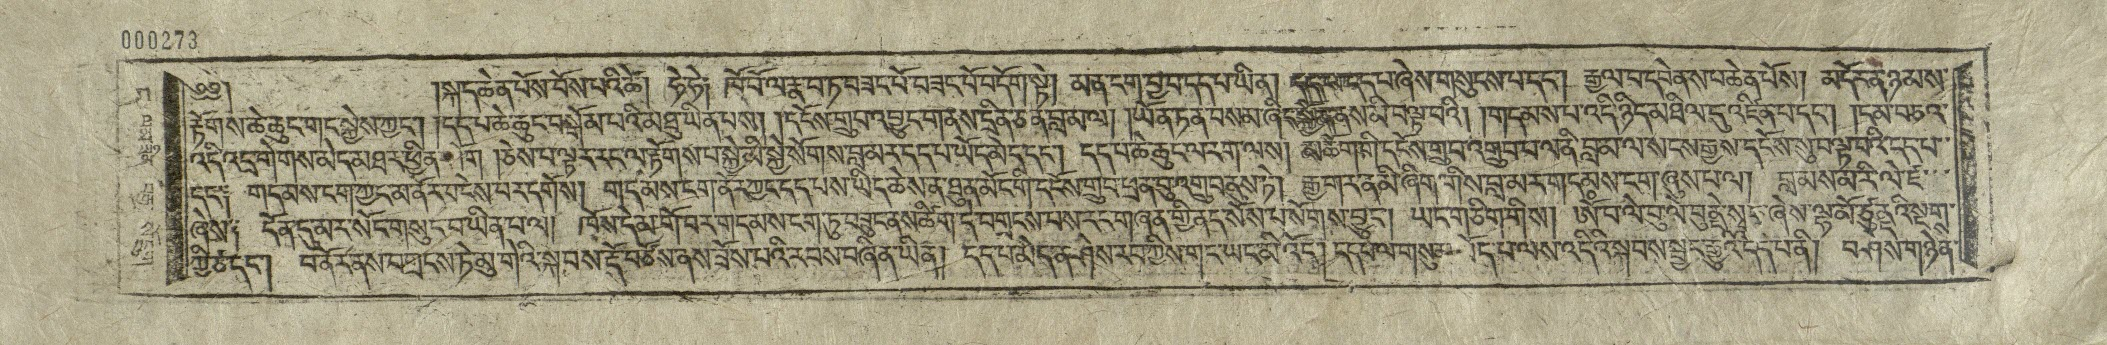༄༅། །སྐད་ཆེན་པོས་བོས་པའི་ཚེ། ཧེ་ཧེ༑ ཁོ་བོ་ལ་རྣ་བ་ཏ་བཟང་པོ་བཟང་པོ་བདོག་སྟེ། མན་ངག་བྱ་བ་དད་པ་ཡིན། དད་པ་དད་པ་ཞེས་གསུངས་པ་དང་། རྒྱལ་བ་དབེན་ས་པ་ཆེན་པོས། མདོར་ན་ཉམས་
རྟོགས་ཆེ་ཆུང་གང་སྐྱེས་ཀྱང་། །དད་པ་ཆེ་ཆུང་བསྒོམ་པའི་མཐུ་ཡིན་པས། །དངོས་གྲུབ་འབྱུང་གནས་དྲིན་ཅན་བླ་མ་ལ། །ཡོན་ཏན་བསམ་ཞིང་སྐྱོན་ནས་མི་བལྟ་བའི། །གདམས་པ་འདི་ཉིད་མཐིལ་དུ་འཛིན་པ་དང་། །དམ་བཅའ་
འདི་འདྲ་གེགས་མེད་མཐར་ཕྱིན་ཤོག་ཅེས་པ་ལྟར་རང་ལ་རྟོགས་པ་སྐྱེ་མི་སྐྱེ་སོགས་བླ་མར་དད་པ་ཡོད་མེད་དང་། དད་པ་ཆེ་ཆུང་ལ་རག་ལས། མཆོག་གི་དངོས་གྲུབ་འགྲུབ་པ་ལ་ནི་བླ་མ་ལ་སངས་རྒྱས་དངོས་སུ་བལྟ་བའི་དད་པ་
དང༑ གདམས་ངག་ཀྱང་མ་ནོར་བ་ངེས་པར་དགོས། གདམས་ངག་ནོར་ཀྱང་དད་པས་ཡིད་ཆེས་ན་ཐུན་མོང་གི་དངོས་གྲུབ་ཕྲན་བུ་འགྲུབ་ནུས་ཏེ། རྒྱ་གར་ན་མི་ཞིག་གིས་བླ་མར་གདམས་ངག་ཞུས་པ་ལ། བླ་མས་མ་རི་ལེ་ཛ་
ཞེས༑ དོན་དུ་མར་སོང་གསུང་བ་ཡིན་པ་ལ། ཁོས་དེ་མ་གོ་བར་གདམས་ངག་ཏུ་བཟུང་ནས་ཚིག་དེ་བགྲངས་པས་རང་གཞན་གྱི་ནད་སོས་པ་སོགས་བྱུང་། ཡང་གཅིག་གིས། ཨོཾ་བ་ལེ་བུ་ལེ་བུནྡེ་སྭཧཱ་ཞེས་ལྷ་མོ་ཙུནྡའི་སྔགས་
ཀྱི་ཙ་དང་། བ་ནོར་ནས་བགྲངས་ཏེ་མུ་གེའི་སྐབས་རྡོ་བཙོས་ནས་ཟོས་པའི་རབས་བཞིན་ཡིན། དད་པ་མེད་ན་ཤེས་རབ་ཀྱིས་གང་ཡང་མི་འོང་། དད་པ་ལ་གསུམ་ཡོད་པ་ལས་འདིའི་སྐབས་སྦྱང་རྒྱུའི་དད་པ་ནི། བཤེས་གཉེན་